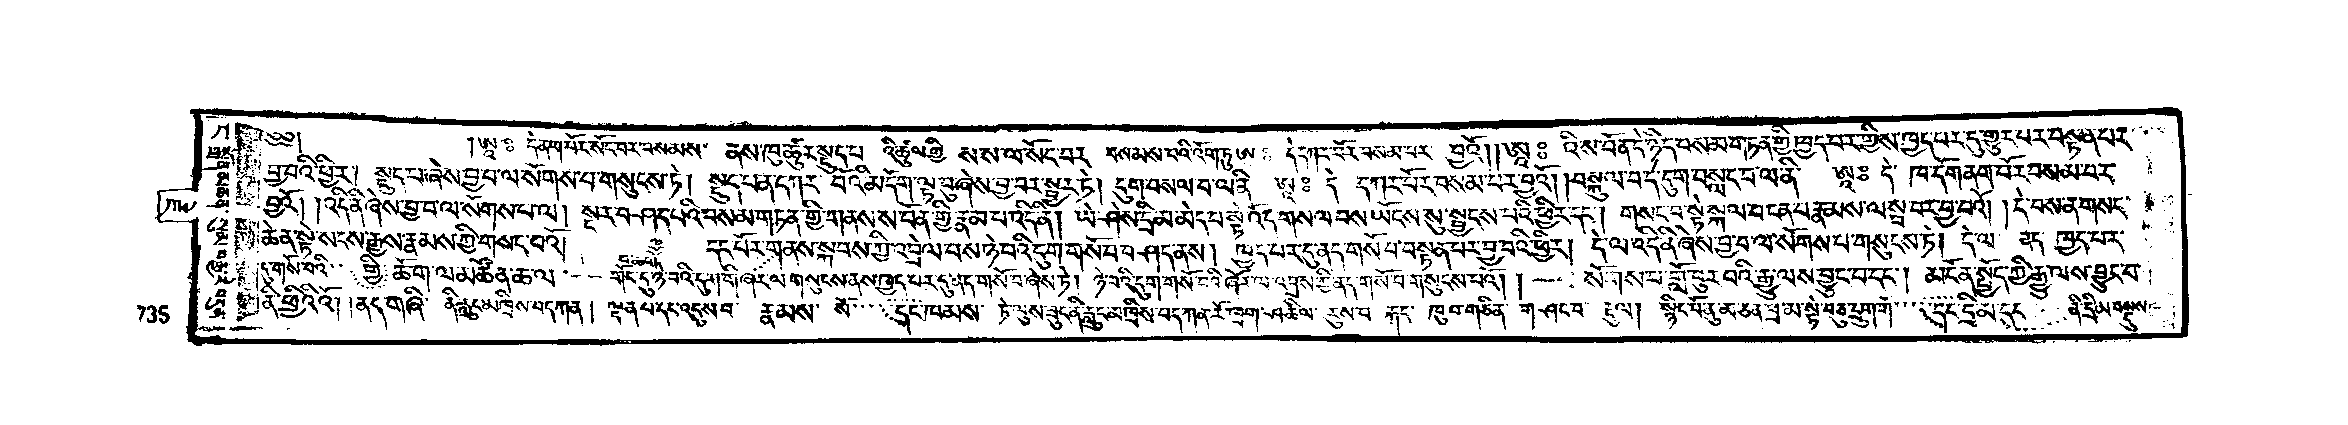༄༅། །ཨཱཿ དེ་ནག་པོར་སོང་བར་བསམས་ནས་ཁུ་ཚུར་སྡུད་པའི་ཚུལ་གྱི་ས་ས་ལ་སོང་བར་བསམས་པའི་འོག་ཏུ་ཨཱཿ དེ་དཀར་པོར་བསམ་པར་བྱའོ། །ཨཱཿ འི་ས་བོན་དེ་ཉིད་བསམ་གཏན་གྱི་ཁྱད་པར་གྱིས་ཁྱད་པར་དུ་གྱུར་པར་བསྟན་པར་
བྱ་བའི་ཕྱིར། སྡུད་པ་ཞེས་བྱ་བ་ལ་སོགས་པ་གསུངས་ཏེ། སྡུད་པ་ན་དཀར་པོའི་མདོག་ལྟ་བུ་ཞེས་བྱ་བར་སྦྱར་ཏེ། དུག་བསལ་བ་ལ་ནི་ཨཱཿ དེ་དཀར་པོར་བསམ་པར་བྱའོ། །བསྐུལ་བ་དེ་དུག་བསླང་བ་ལ་ནི་ཨཱཿ དེ་ཁ་དོག་ནག་པོར་བསམ་པར་
བྱའོ། །འདི་ནི་ཞེས་བྱ་བ་ལ་སོགས་པ་ལ། སྔར་བཤད་པའི་བསམ་གཏན་གྱི་གནས་ས་བོན་གྱི་རྣམ་པ་འདི་ནི། ཡེ་ཤེས་དྲི་མ་མེད་པ་སྟེ་འོད་གསལ་བས་ཡོངས་སུ་སྦྱངས་པའི་ཕྱིར་དང་། གསང་བ་སྟེ་སྐལ་པ་ངན་པ་རྣམས་ལ་སྦ་བར་བྱ་བའོ། །དེ་བས་ན་གསང་
ཆེན་སྟ་སངས་རྒྱས་རྣམས་ཀྱི་གསང་བའོ། ། ༈ དང་པོར་གནས་སྐབས་ཀྱི་འབྲེལ་པས་ཉེ་བའི་དུག་གསོ་བ་བཤད་ནས། ཁྱད་པར་དུ་ནད་གསོ་བ་བསྟན་པར་བྱ་བའི་ཕྱིར། དེ་ལ་འདི་ནི་ཞེས་བྱ་བ་ལ་སོགས་པ་གསུངས་ཏེ། དེ་ལ་ནད་ཁྱད་པར་
དུ་གསོ་བའི་གྱི་ཆོ་ག་ལ་མཚོན་ཆ་ལ་H.་པ་ཚབ་གོང་དུ་ཉེ་བའི་དུག་གི་ཞར་ལ་གསུངས་ནས་ཁྱད་པར་དུ་ནད་གསོ་བ་ཞེས་ཏེ། ཉེ་བའི་དུག་གསོ་བའི་ཞར་ལ་འབྲས་ཀྱི་ནད་གསོ་བ་གསུངས་པའོ། ། .H སོགས་པ་གློ་བུར་བའི་རྒྱུ་ལས་བྱུང་བ་དང་། མངོན་སྤྱོད་ཀྱི་རྒྱུ་ལས་བྱུང་བ་
ནི་ཕྱིའིའོ། །ནད་གཞི་ནི་རླུང་མཁྲིས་བད་ཀན། ལྡན་པ་དང་འདུས་པ་རྣམས་སོ་དང་ཁམས་ཏེ་ལུས་ཟུང་ནི་རླུང་མཁྲིས་པད་ཀན་རོ་ཁྲག་ཤ་ཚིལ་རུས་པ་རྐང་ཁུ་བ་གཅིན་གཤང་བ་རྡུལ། སྙིང་པོ་ནུ་མ་ཅན་ཕྲ་མ་སྟེ་བཅུ་དྲུག་གོ་དང་དྲི་མ་དང་H.་ནི་དྲི་མ་བསྡུས་